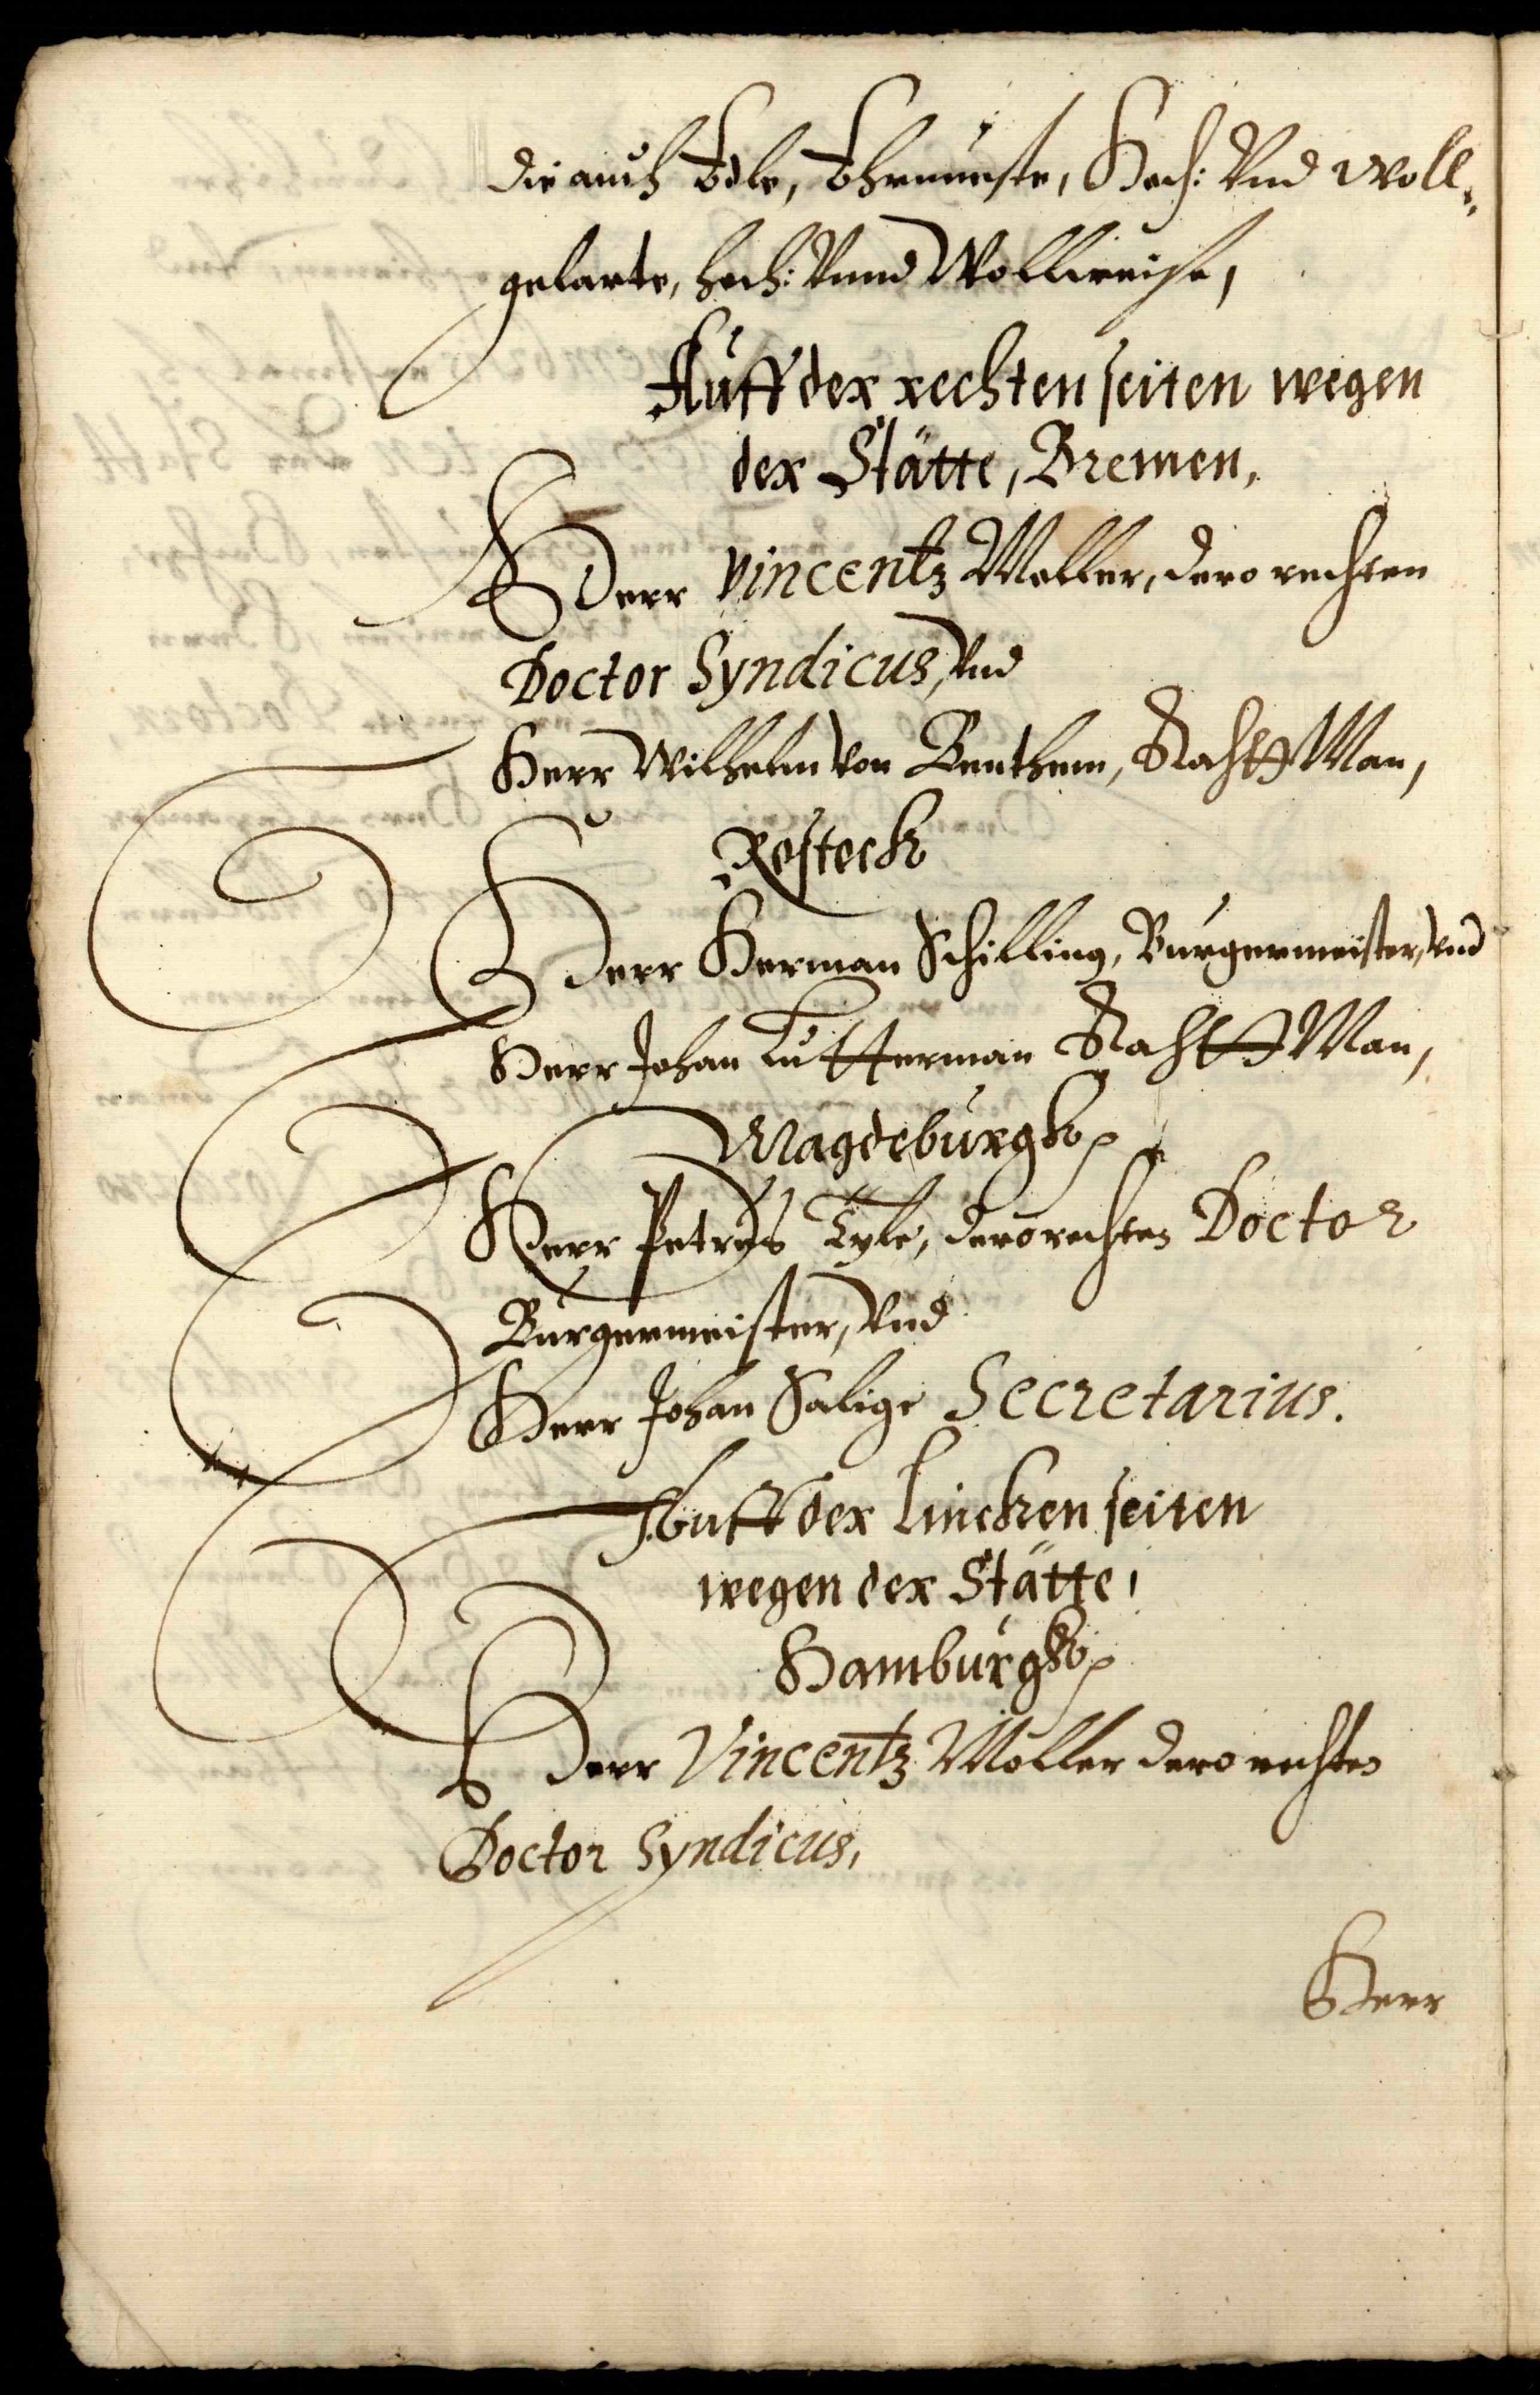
die auch Edle, Ehrnueste, Hoch: Vnd woll¬
gelarte, hoch: Vnnd Wollweise,
Auff der rechten seiten wegen
der Stätte, Bremen,
Herr Vincentz Moller, dero rechten
Doctor Syndicus, Vnd
Herr Wilhelm Von Benthem, RahttMan,
Rostock
Herr Herman Schilling, Burgermeister, Vnd
Herr Johan Lutterman RahttMan,
Magdeburgk p,
Herr Petrus Tyle, dero rechten Doctor
Burgenmeister, Vnd
Herr Johan Salige Secretarius.
Auff der Lincken seiten
wegen der Stätte,
Hamburgk p,
Herr Vincentz Moller dero rechten
Doctor Syndicus,
Herr
